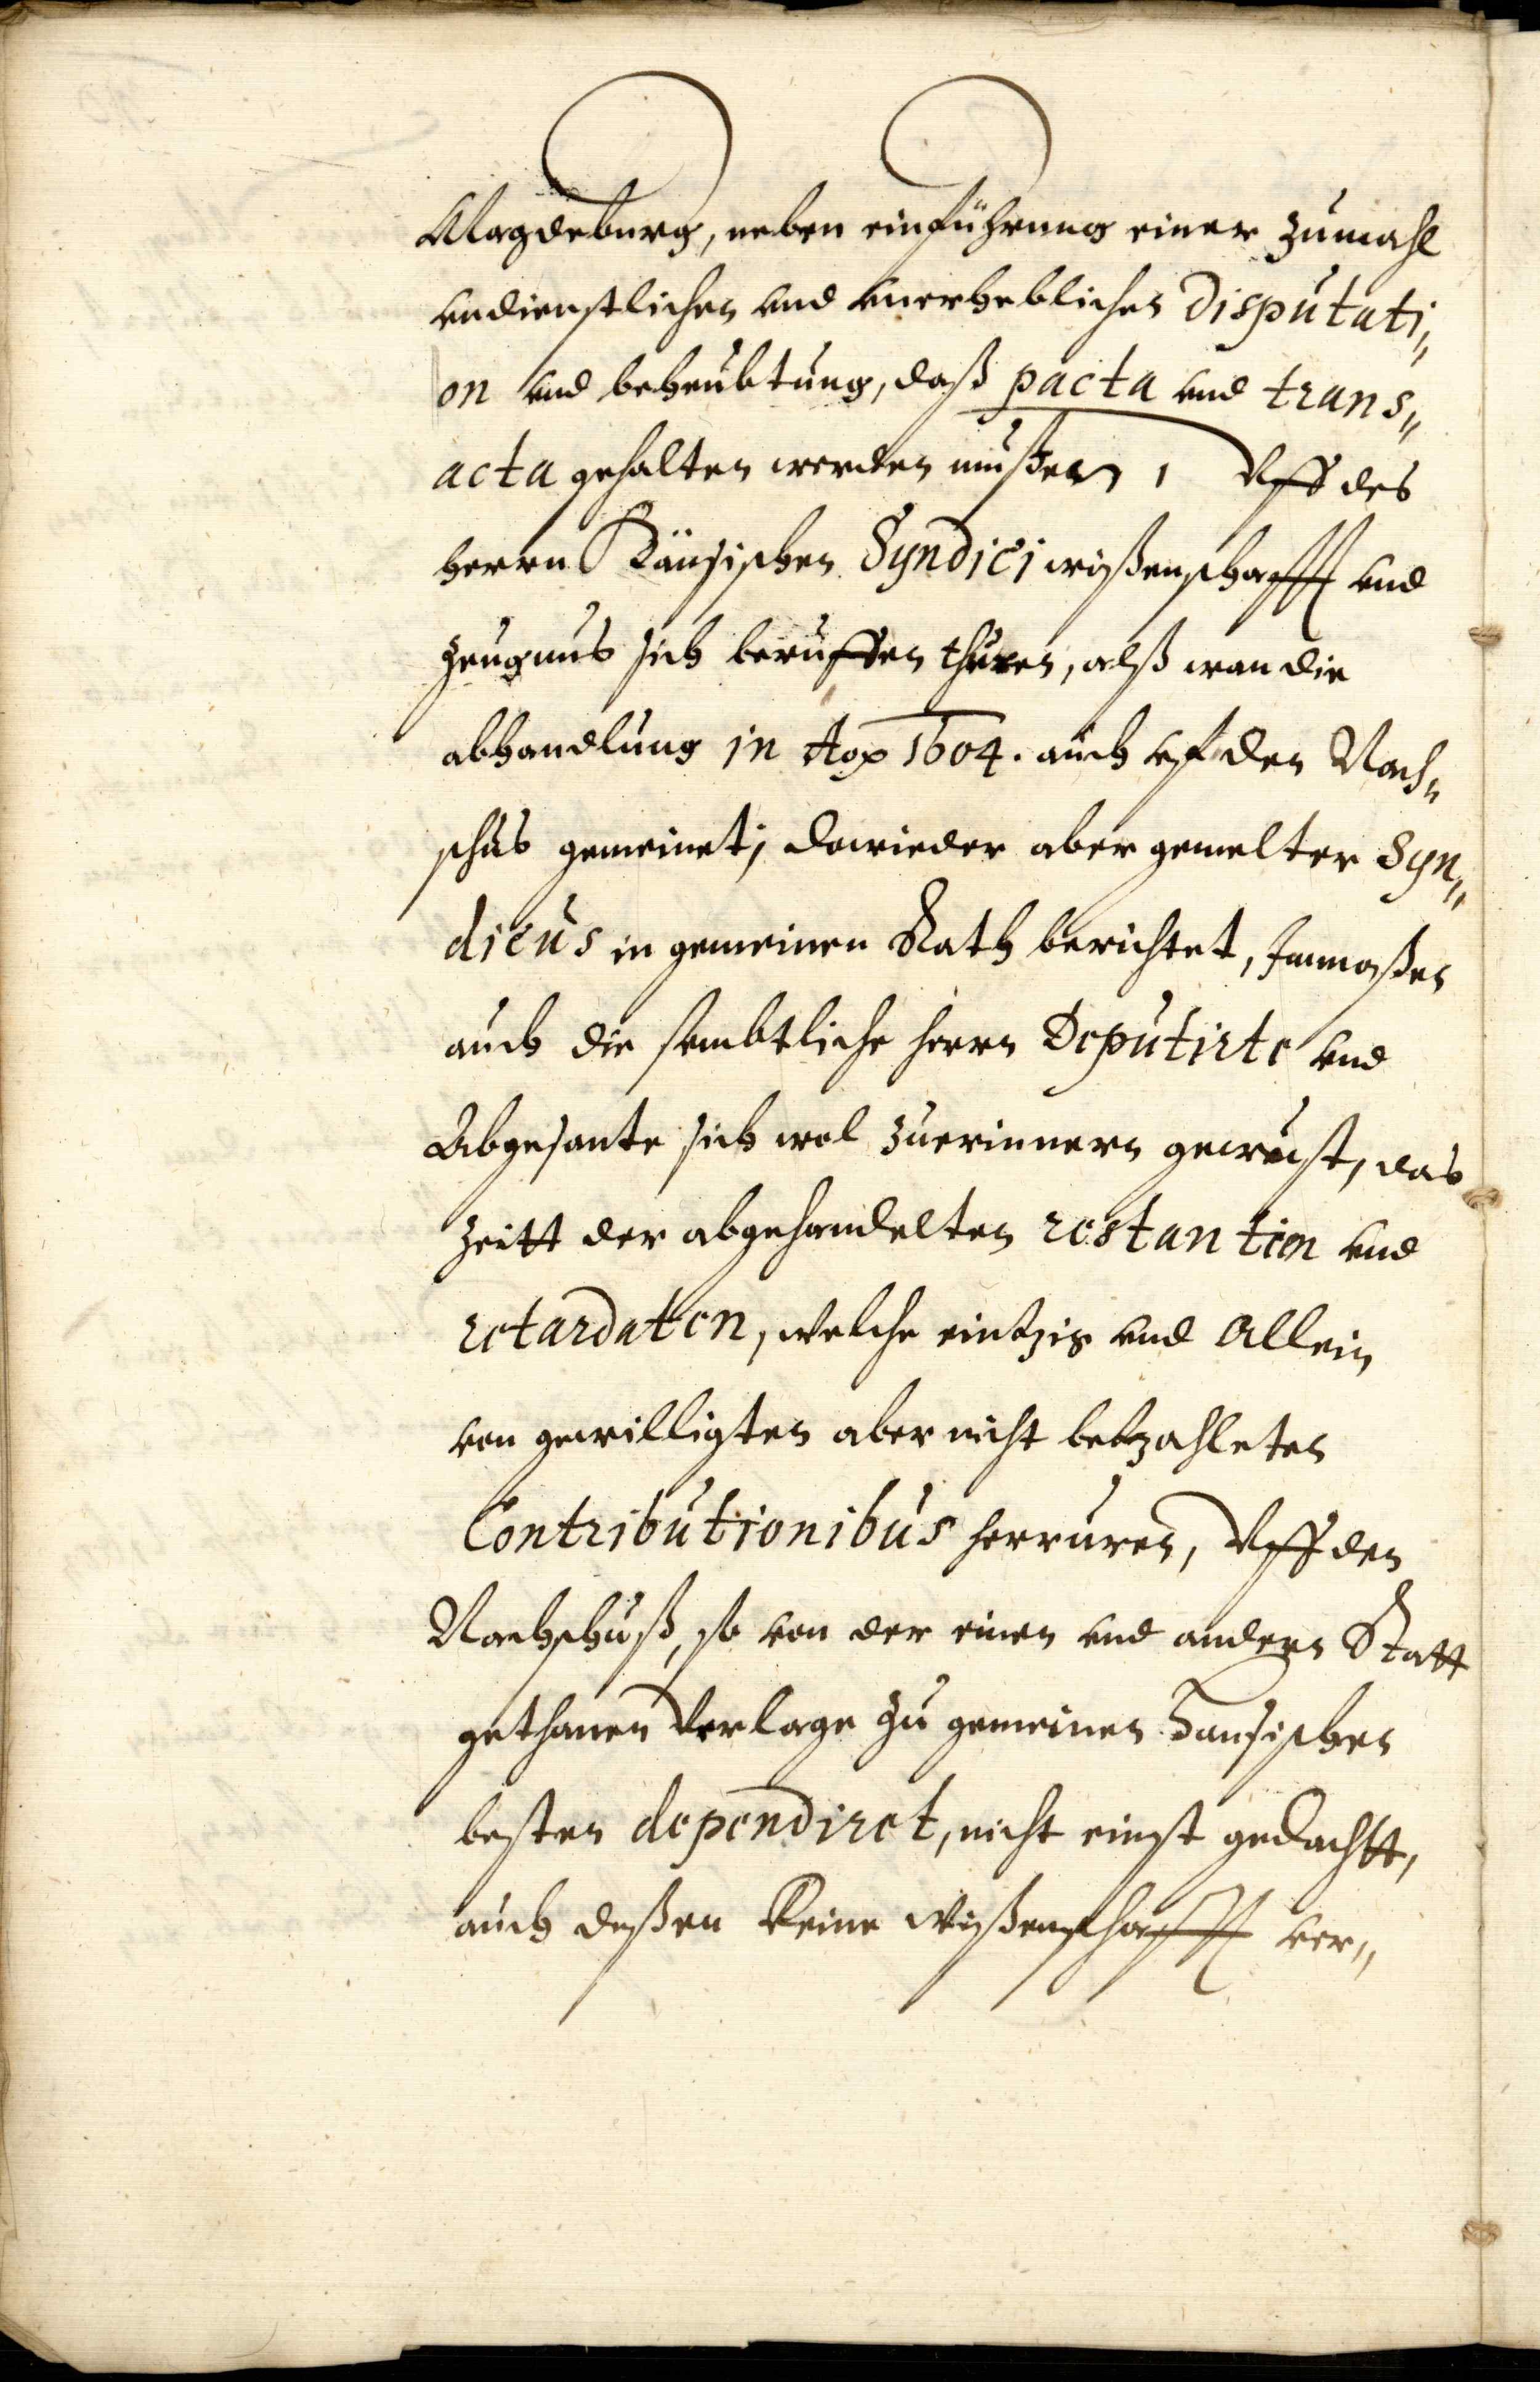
Magdeburg, neben einführung einer zumahl
vndienstlichen vnd vnerheblichen disputati¬
on vnd beheubtung, daß pacta vnd trans¬
acta gehalten werden mußenn, Vff des
herrn Hänsischen Syndici wißenschafft vnd
zeugnus sich beruffen thuen, alß wan die
abhandlung in Ao p 1604. auch vf den Nach¬
schus gemeinet; dawieder aber gemelter Syn¬
dicus in gemeinen Rath berichtet, Immaßen
auch die sembtliche herrn Deputirte vnd
Abgesante sich wol zuerinnern gewust, das
Zeitt der abgehandelten restantien vnd
retardaten, welche eintzig vnd allein
von gewilligten aber nicht betzahleten
Contributionibus herruren, Vff den
Nachschuß, so von der einen vnd andern Statt
gethanen Verlage zu gemeinen Hansischen
besten dependiret, nicht einst gedachtt,
auch deßen keine wißenschafft ver¬
